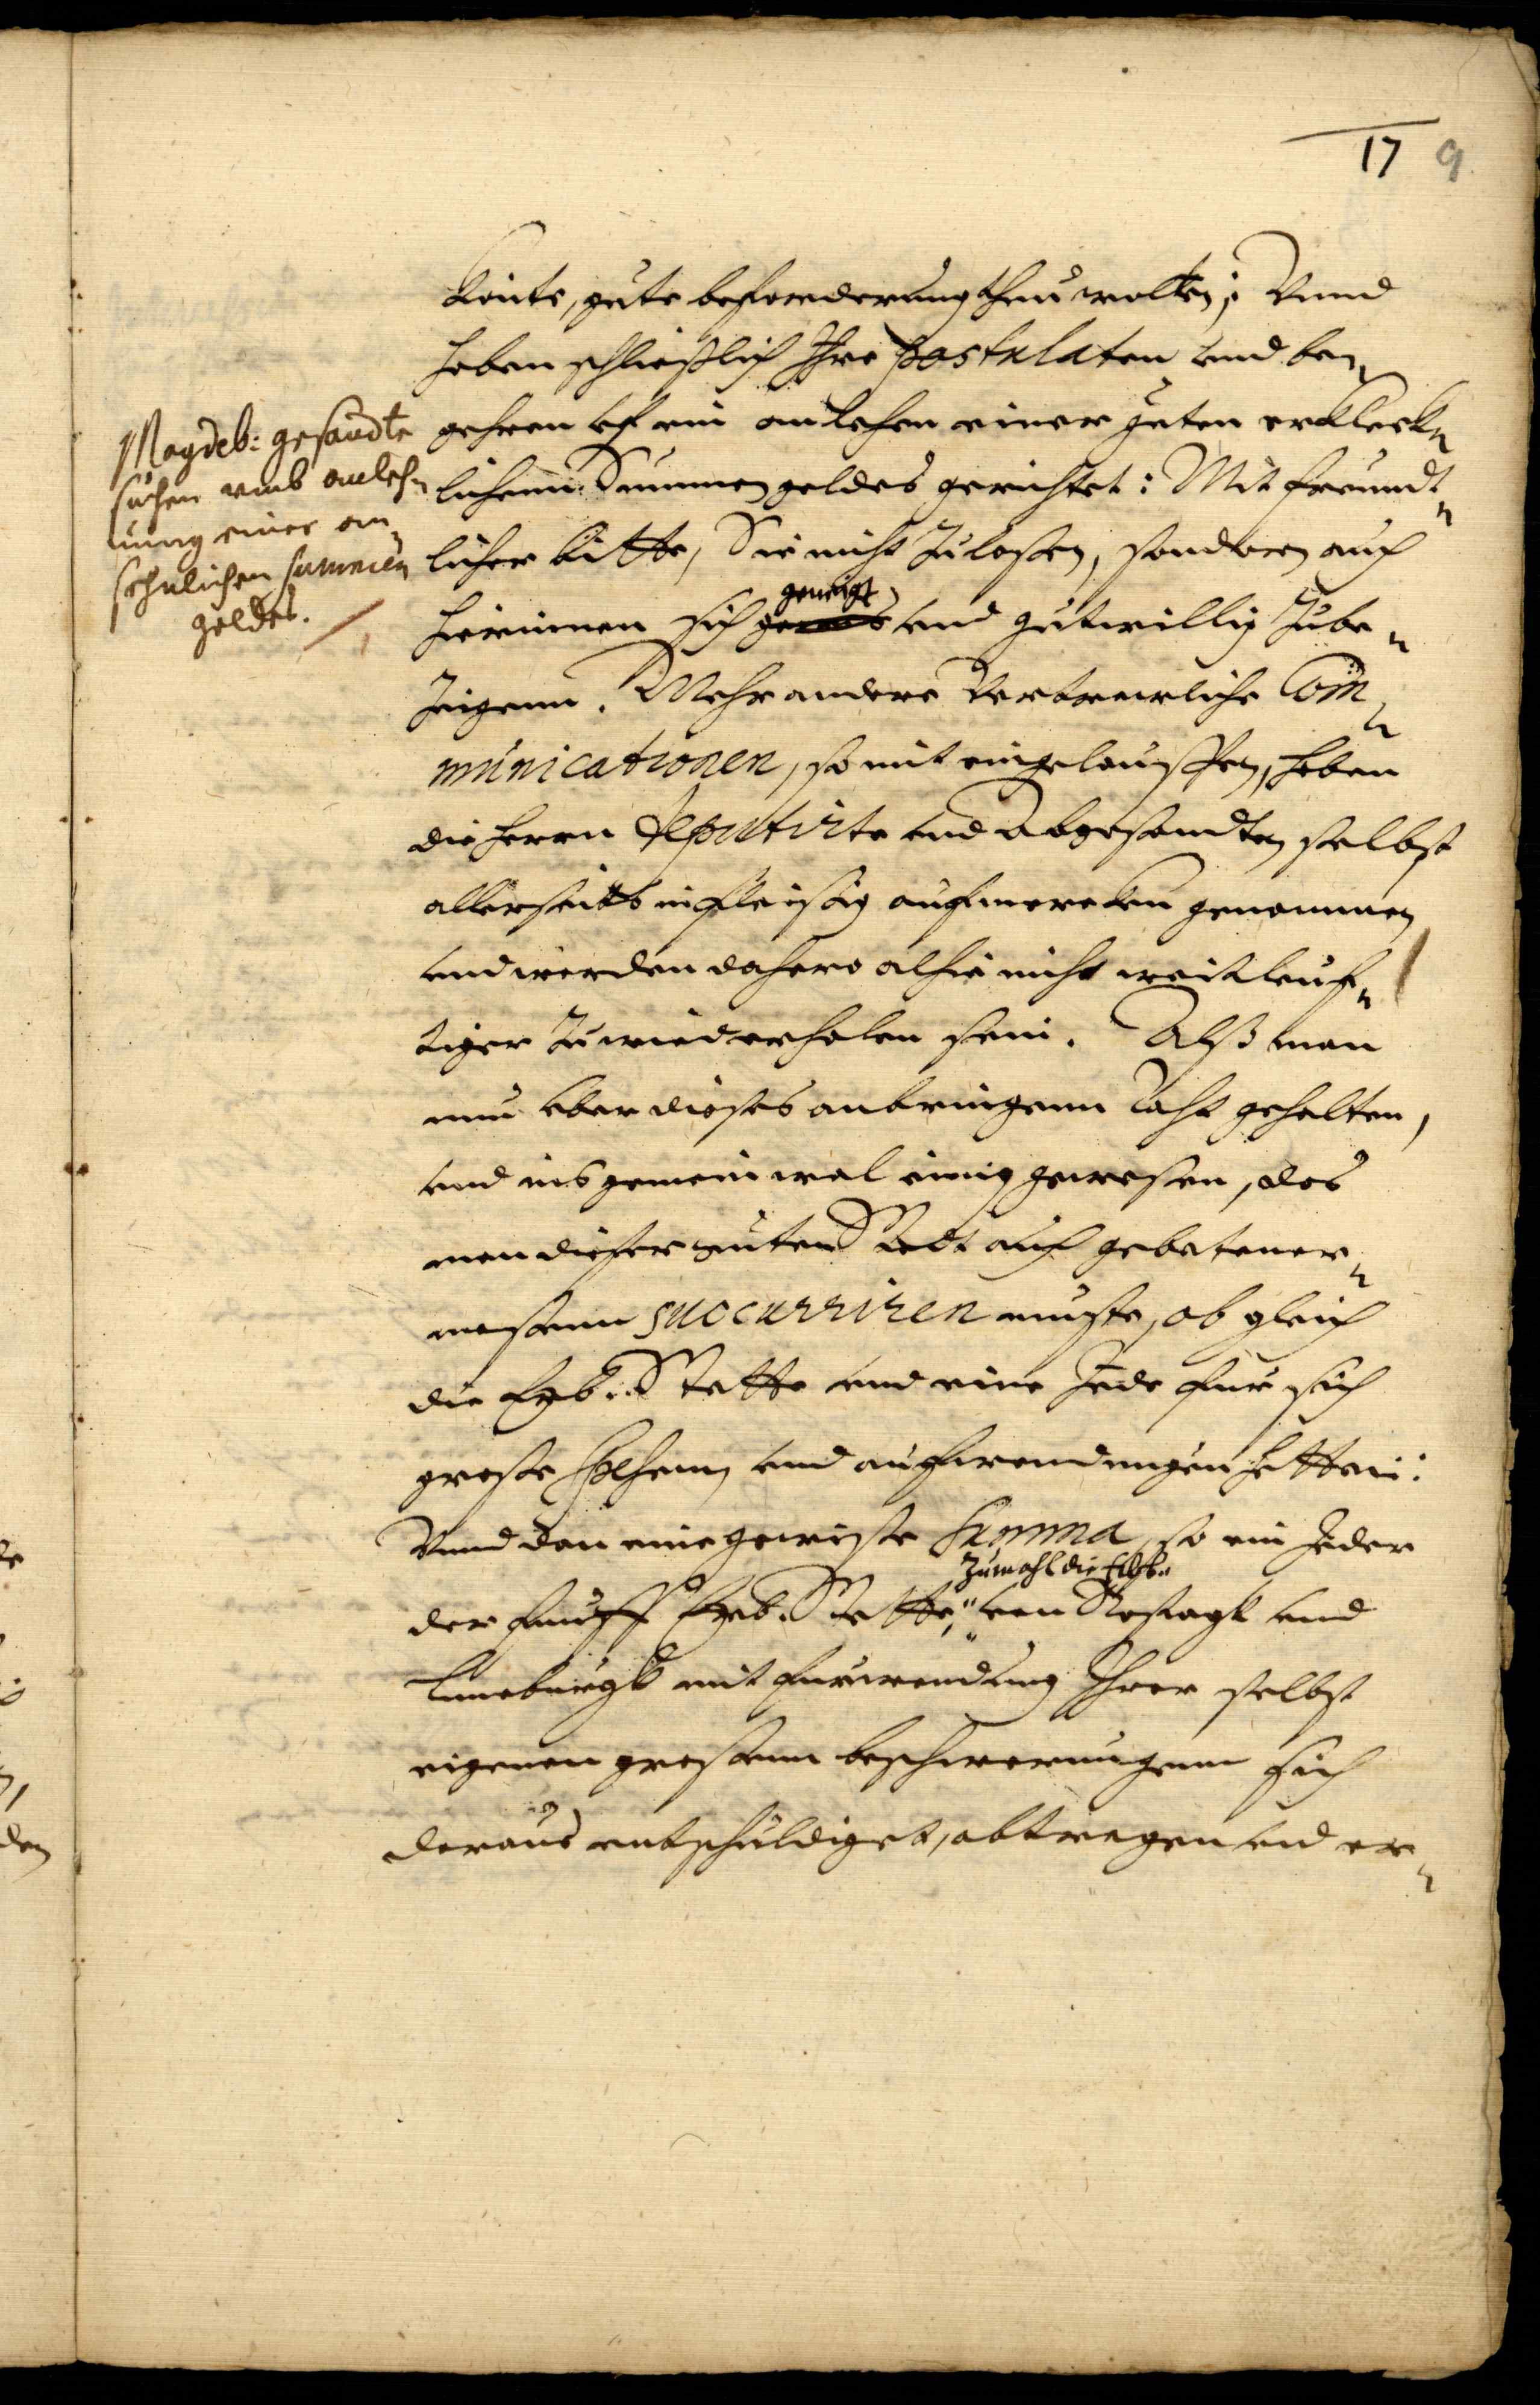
17
Magdeb: gesandte
suchen vmb anlehn
nung einer an¬
schulichen summen
geldes
könte, gute beforderung thun wolten; Vnnd
haben schließlich Ihre postulaten vnd be¬
gehren vf ein anlehen einer guten erkleck¬
lichenn Summen geldes gerichtet: Mit freundt¬
licher bitte, Sie nicht zu loßen, sondern auch
geneigt
hierinnen sich gewis vnd gutwillig zube¬
zeigenn. Mehr andere Vertrawliche Com¬
municationen, so mit eingelauffen, haben
die herrn deputirte vnd Abgesandten selbst
allerseits in fleißig aufmercken genommen,
vnd werden dahero alhie nicht weitleuf¬
tiger zu wiederholen sein. Alß man
nun vber dieses anbringenn Raht gehalten,
vnd ins gemein wal einig gewesen, das
man dieser guten Stadt auch gebetener¬
maßenn succurriren muste, ob gleich
die Erb: Stette vnd eine Jede fur sich
große Spesenn vnd aufwendungen hetten:
Vnnd dan eine gewiße Summa, so ein Ieder
zumahl die Erbb: *
der funff Erb. Stette, * von Rostogk vnd
Luneburgk mit furwendung Ihrer selbst
eigenen großenn beschwerungenn sich
daraus entschuldiget, abtragen vnd er¬
